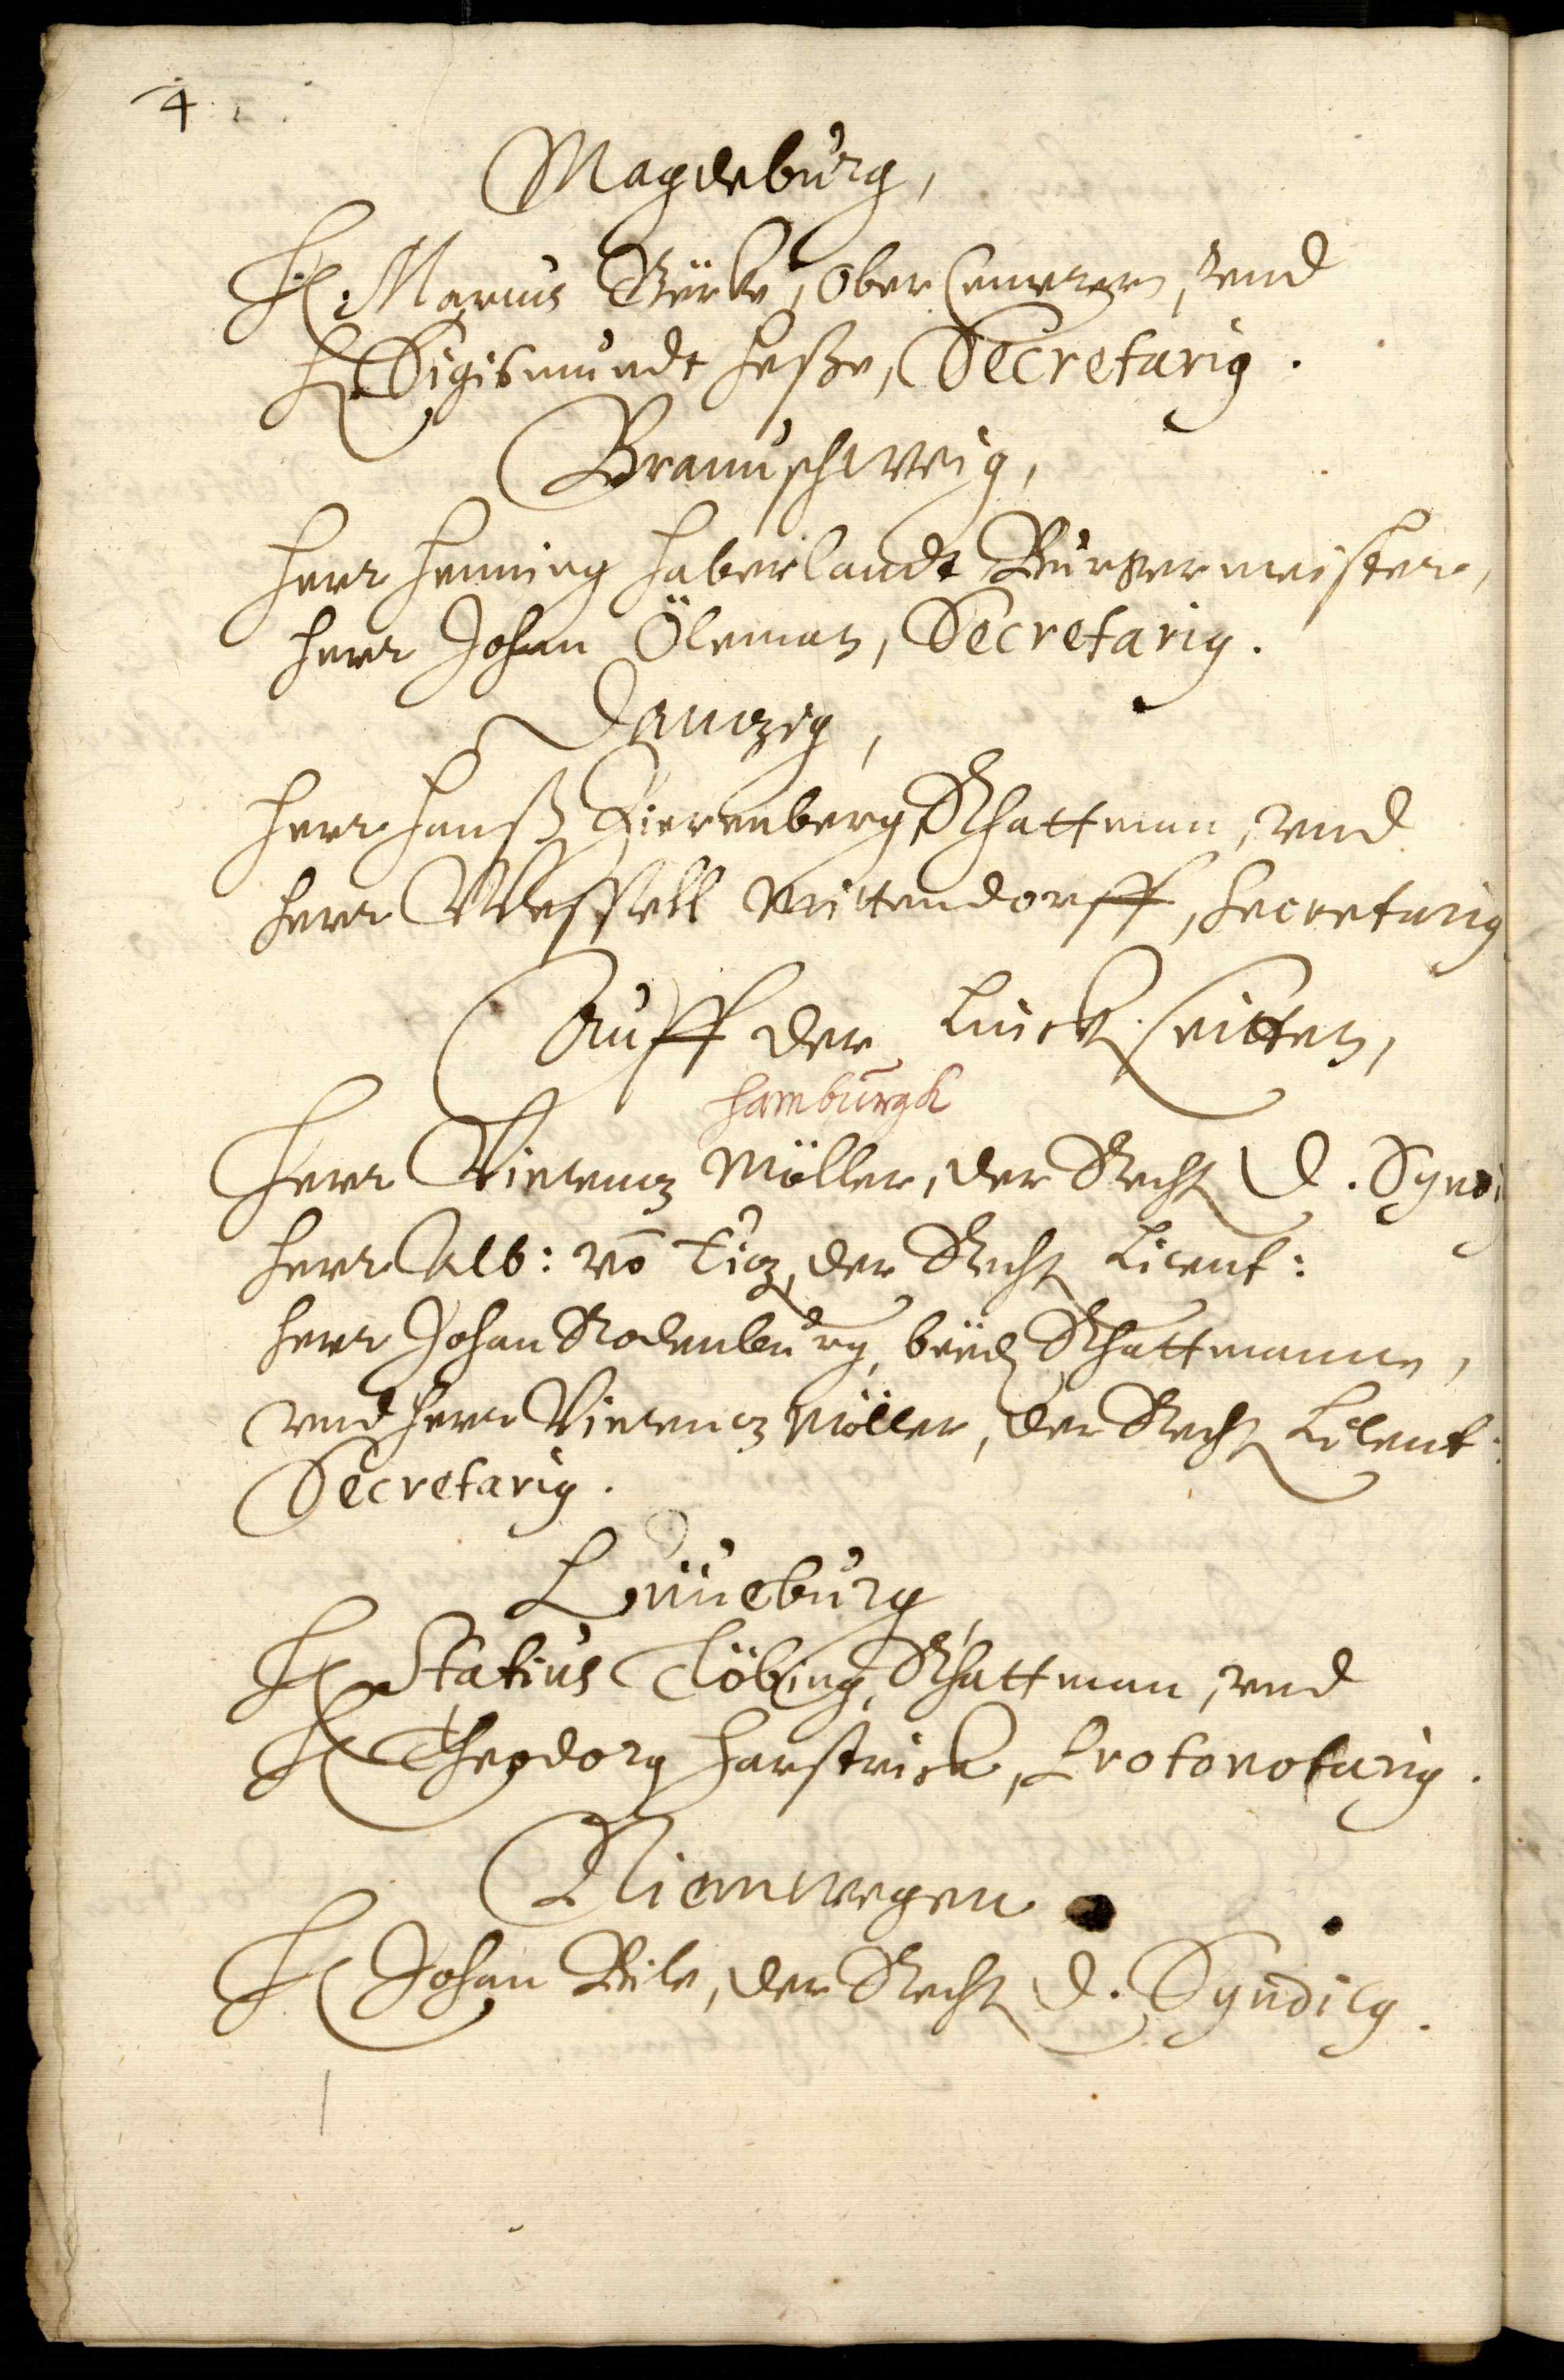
4.
Magdeburg,
H. Marcus Berke, Ober Cemerern, vnd
h. Sigismundt Heße, Secretarius.
Braunschweig,
Herr Henning Haberlandt, Burgermeister,
Herr Johan Öleman, Secretarius.
Dantzig,
Herr Hanß Zierenberg, Rhattman, vnd
Hern Wessell Mittendorff, Secretarius
Auff der Lincken seitten,
Hamburgk
Hern Vincentz Möller, der Rechten D. Syndic
Hern Allb: von Eitzen, der Rechten Licent:
Hern Johan Rodenburg, beëden Rhattmanne,
vnd Hern Vincentz Möller, der Rechten Licent:
Secretarius.
Lüneburg,
H. Statius Töbing, Rhattman, vnd
H. Theodorius Harstrigk, Protonotarius.
Niemwegen
H. Johan Bile, der Rechten D. Syndicus.
